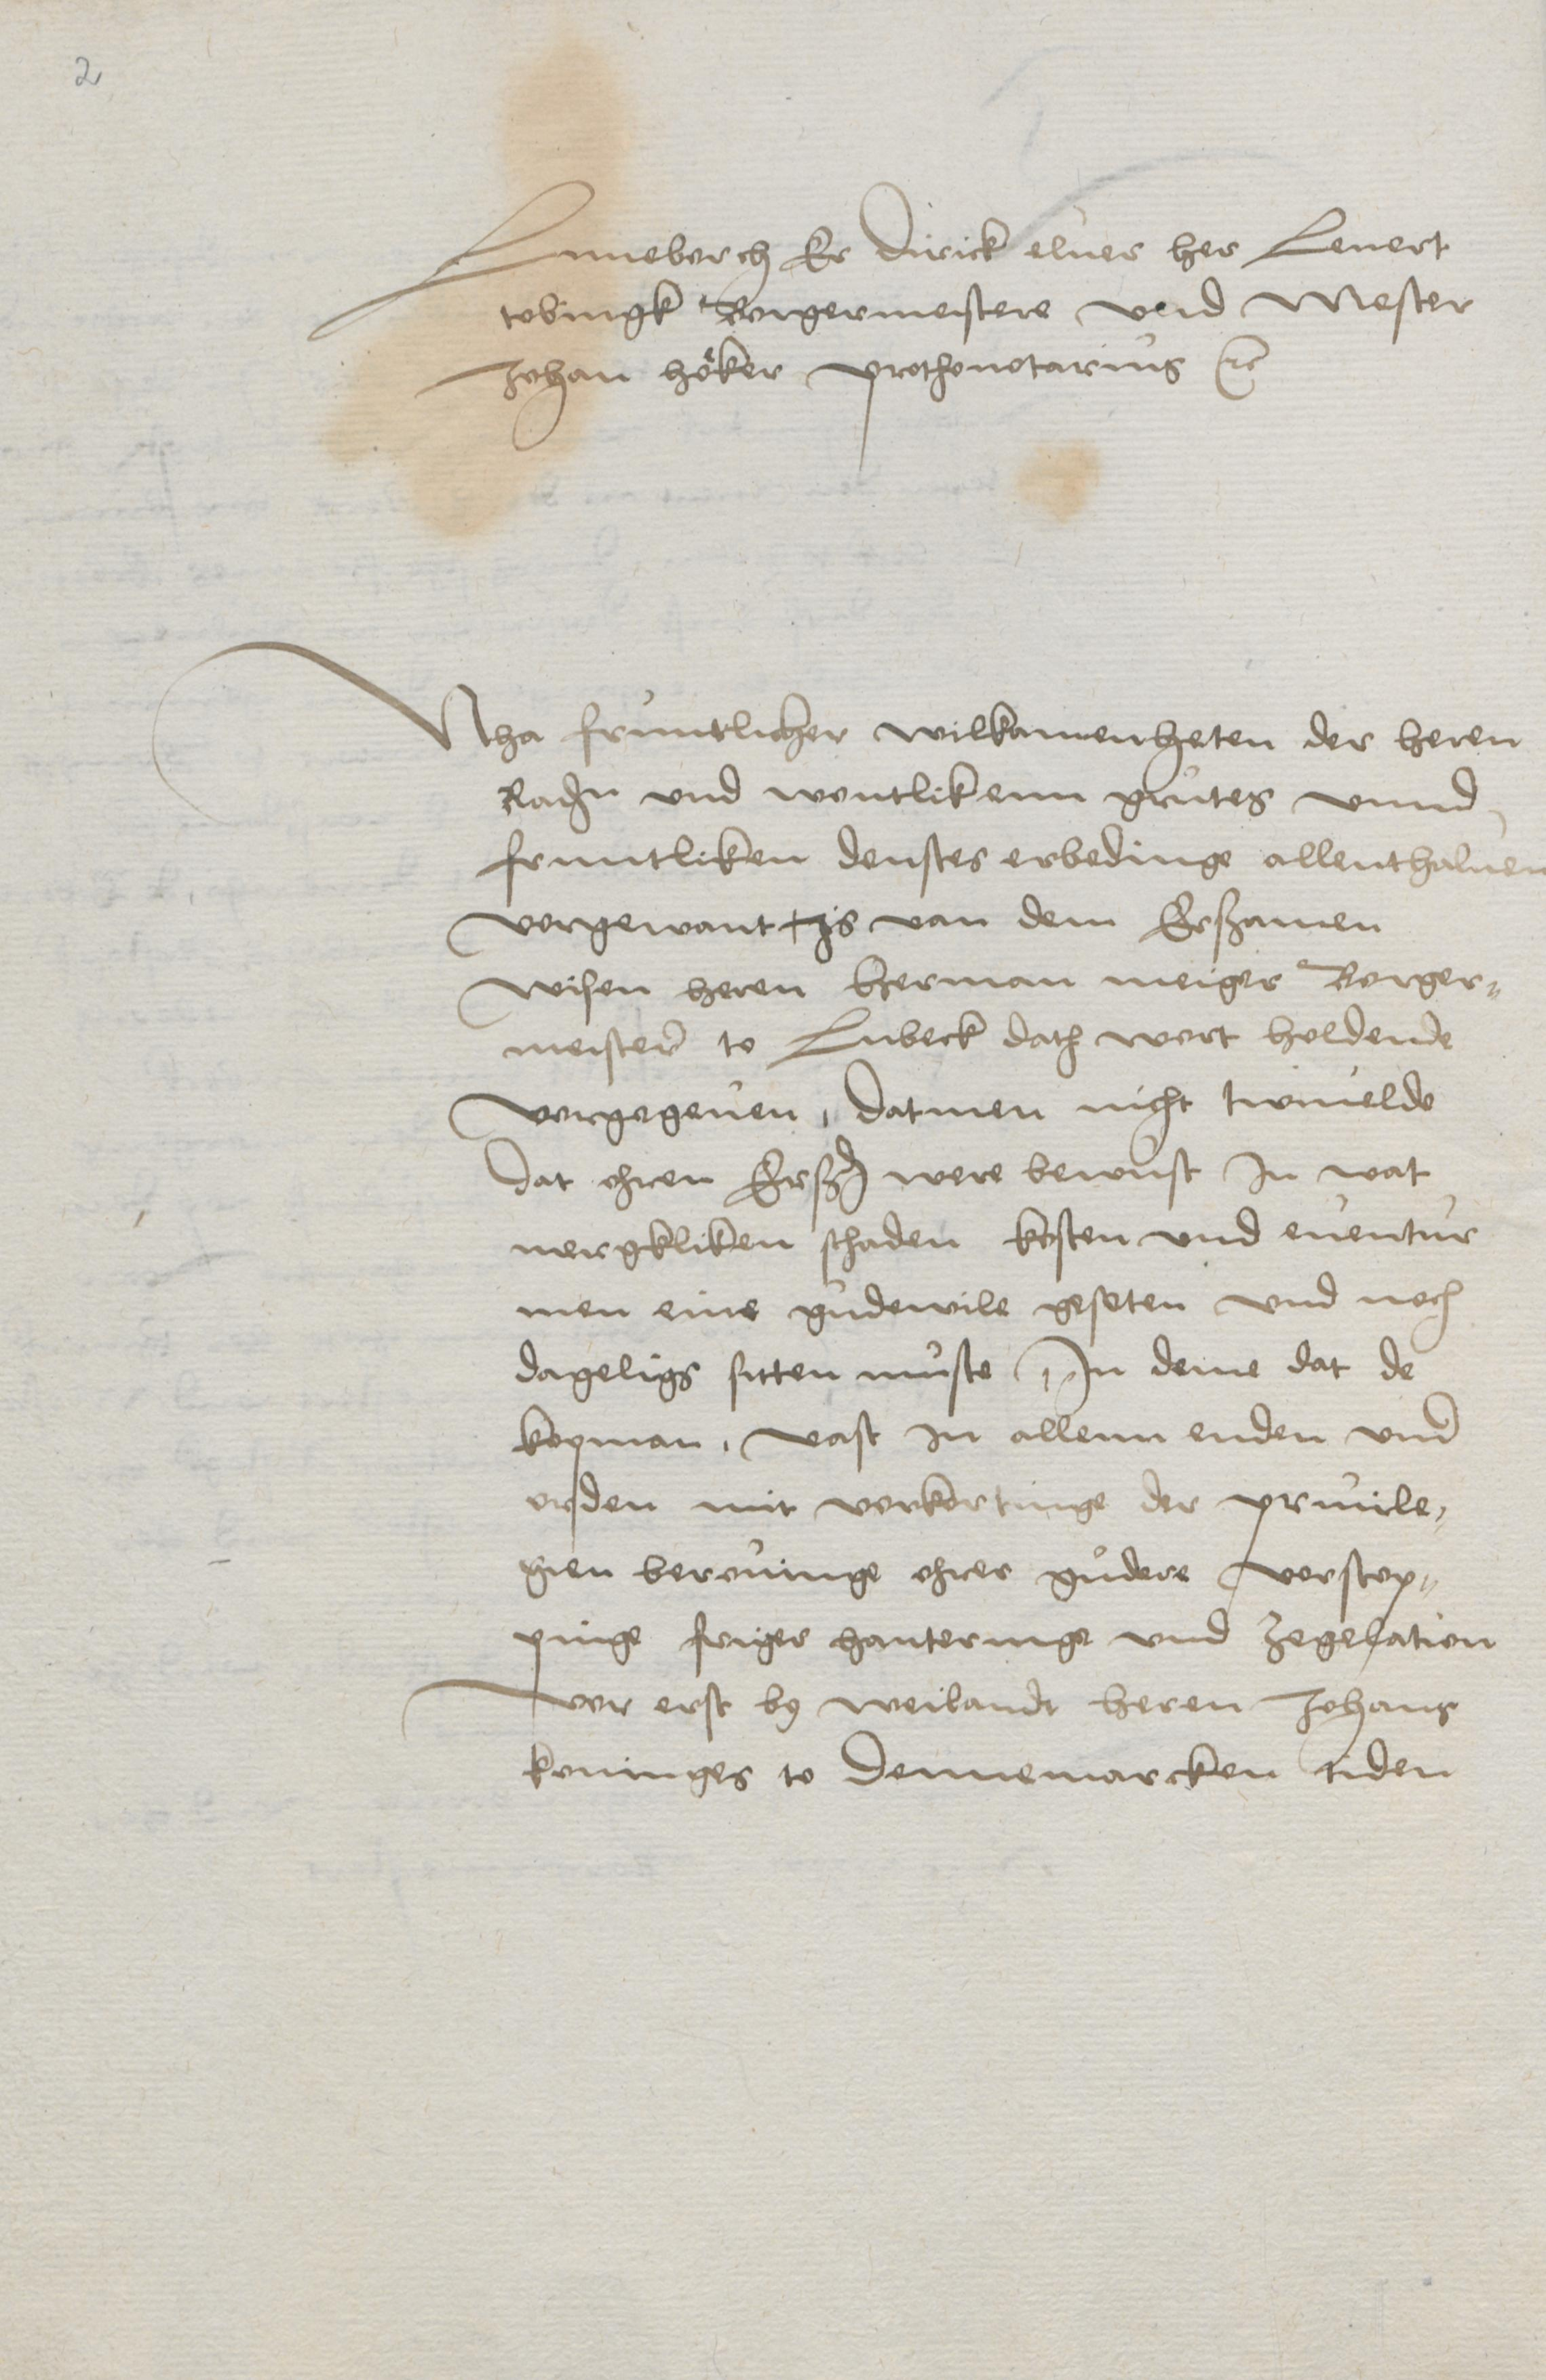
Luneborch Er Dirick elner her Lenert
tobingk Borgermeistere vnd Mester
Johan höker prothenotarius etc
Nha fruntlicher wilkamenheten der heren
Radessendeboden vnd wontlikenn grutes vnnd
fruntliken denstes erbedinge allenthaluen
vorgewantt, js van dem Erßamen
wisen heren Herman meiger Borger¬
meistere to Lubeck dath wort holdende
vorgegeuen, datmen nicht twiuelde
dat ehrer Erßamen were bewust Jn wat
mergkliken schaden kosten vnd euentur
men eine gudewile geseten vnd noch
dageligs sitten muste, Jn deme dat de
kopman, vast in allenn enden vnd
orden mit verkortinge der priuile¬
gien berouinge ehrer gudere verstop¬
pinge friger hantteringe vnd zegelation
vor erst by weilandt heren Johans
koninges to Dennemarcken tiden
